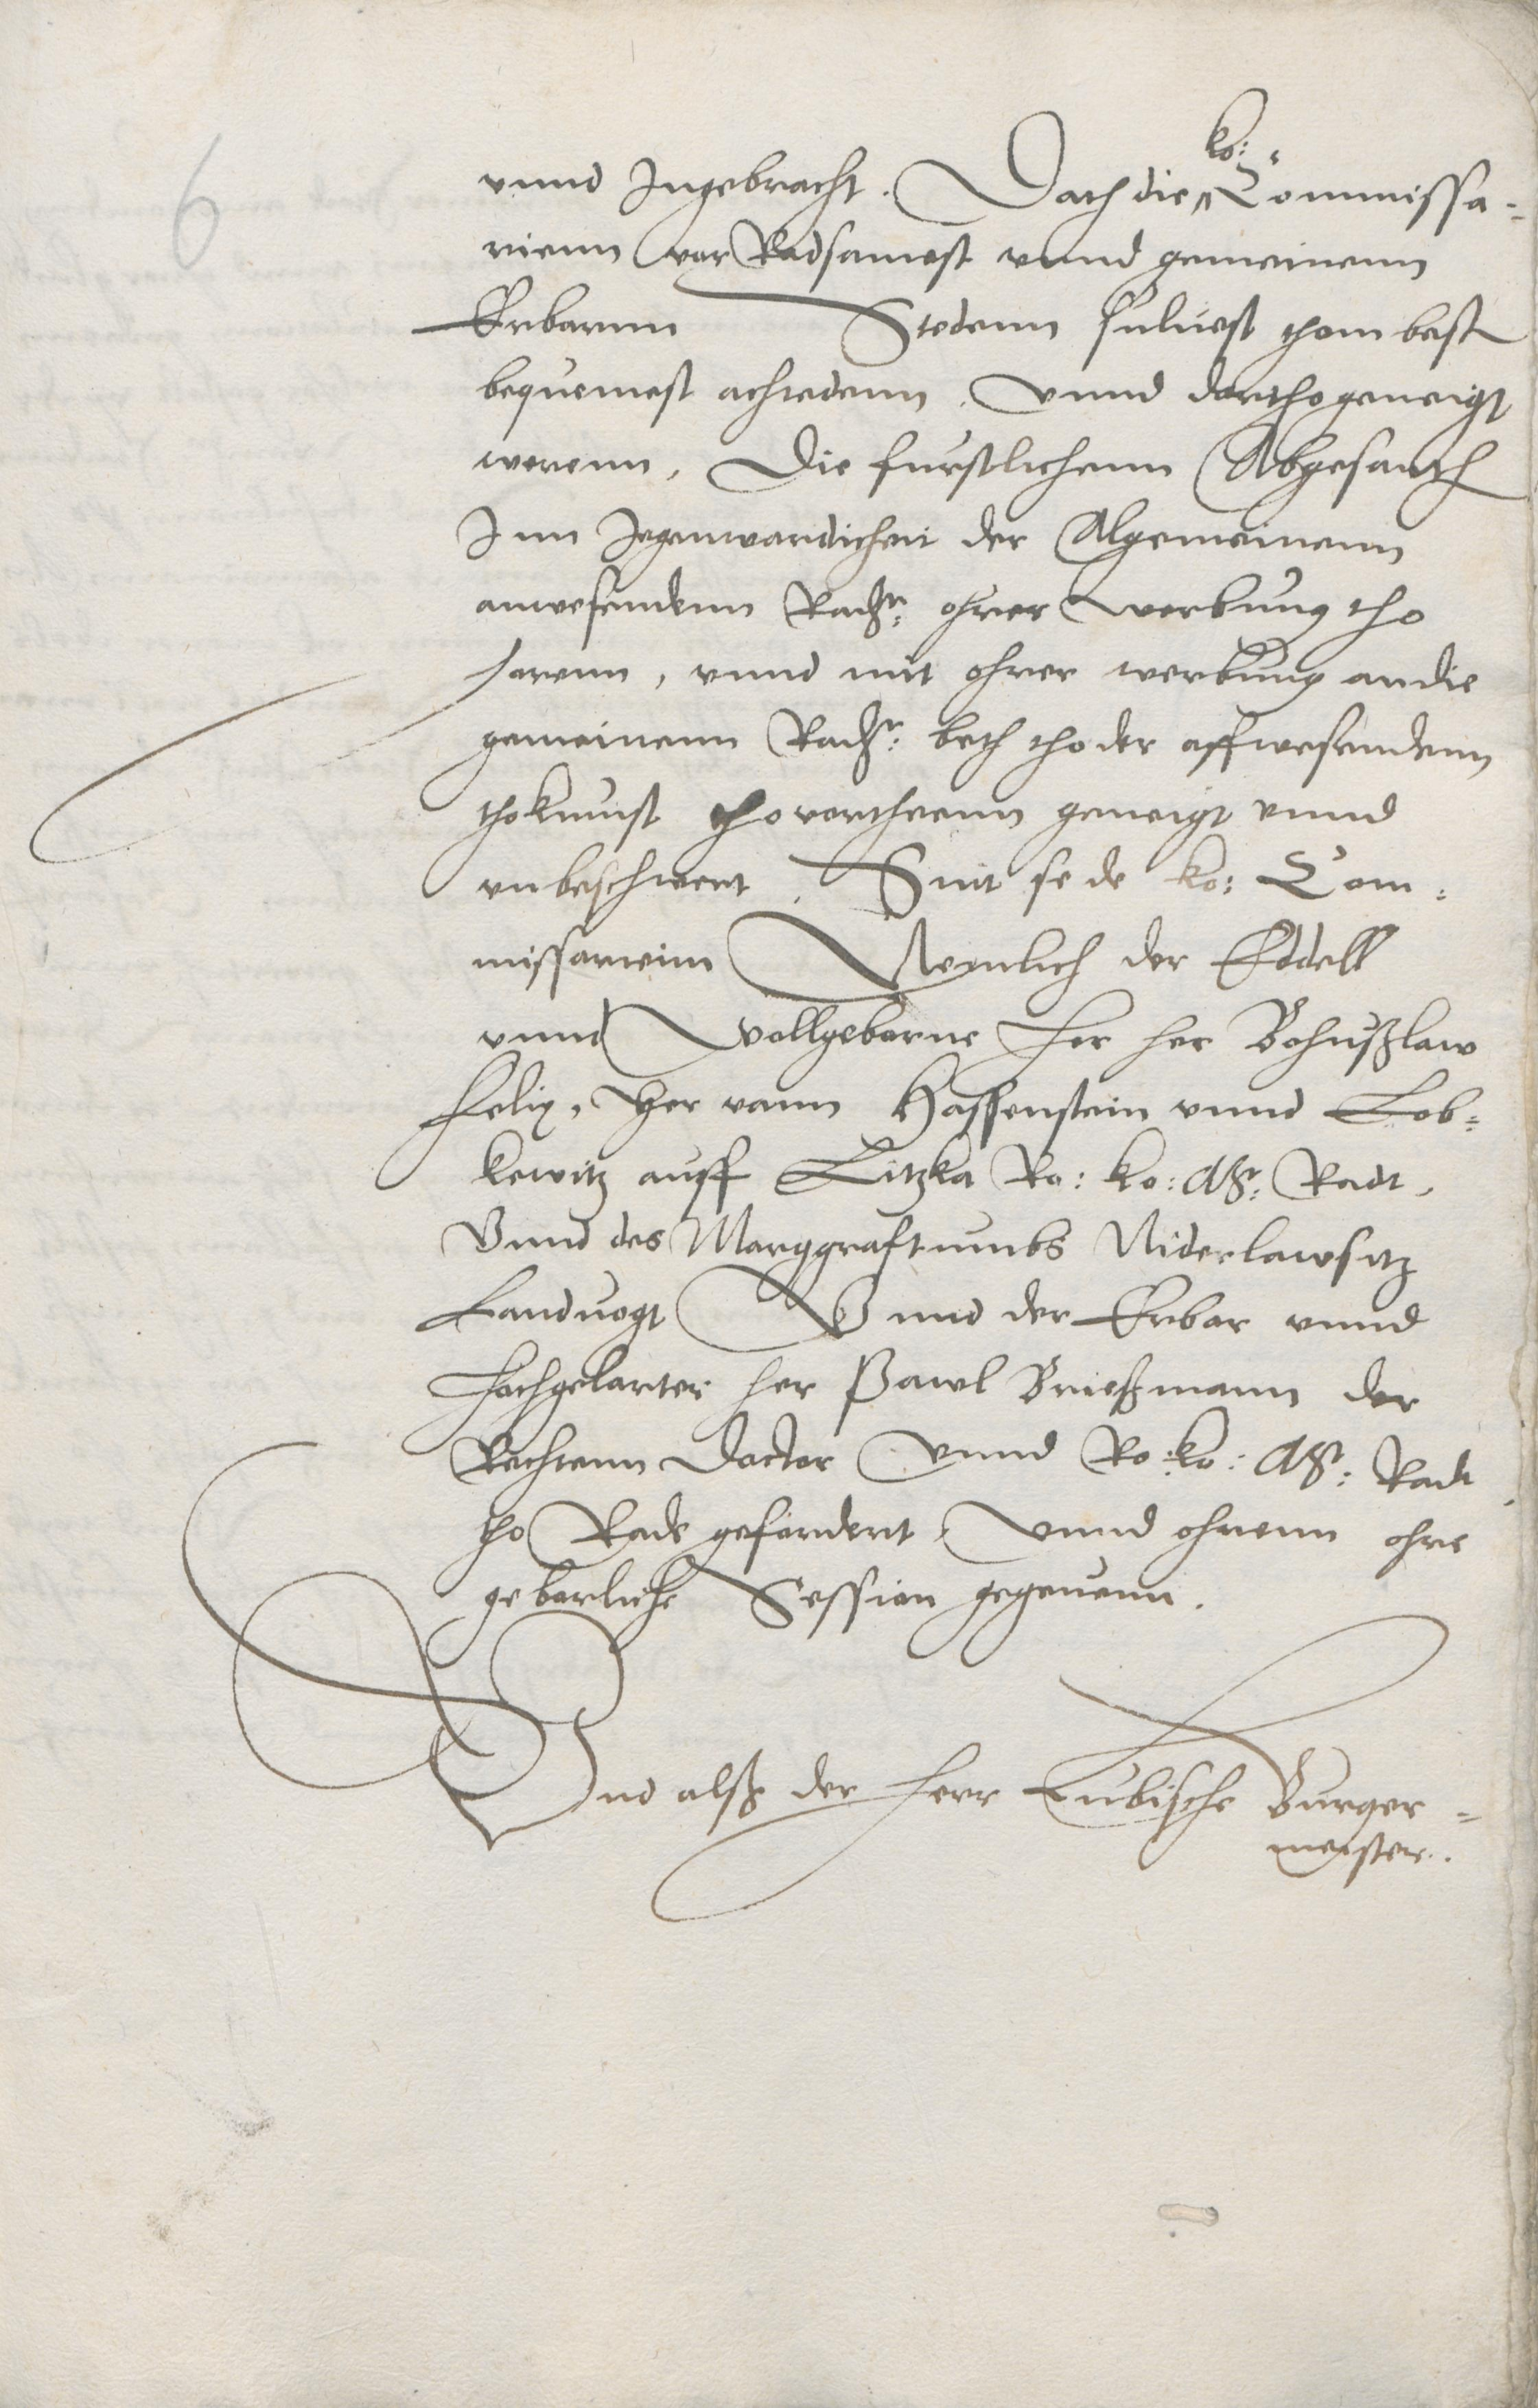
vnnd jngebracht. Dath die Ko: Commissa¬
rienn vor Radsamest vnnd gemeinenn
Erbarnn Stedenn suluest thom besten
bequemest achtedenn Vnnd dartho geneigt
werenn, Die furstlichenn Abgesanthen
jnn jegenwardicheit der Algemeinenn
anwesendenn Radessendeboden ohrer werbung tho
horenn, vnnd mit ohrer werbung an die
gemeinenn Radessendeboden beth tho der affwesendenn
thokumst tho vortheenn geneigt vnnd
vnbeschwert. Sint se de Ko: Com¬
missarienn Nemlich der Eddell
vnnd Wollgeborne Her her Bohußlaw
Felix her vann Hassenstein vnnd Lob¬
kewitz auff Litzka Ro: Ko: M: Radt,
Vnnd des Marggraftumbs Niderlawsitz
Landuogt Vnnd der Erbar vnnd
Hochgelarter her Pawl Brießmann der
Rechtenn Doctor vnnd Ro: Ko: M: Radt
tho Rade gefordert Vnnd ohnenn ohre
geborliche Session gegeuenn.
Vnd alß der Herr Lubische Burger¬
meister
